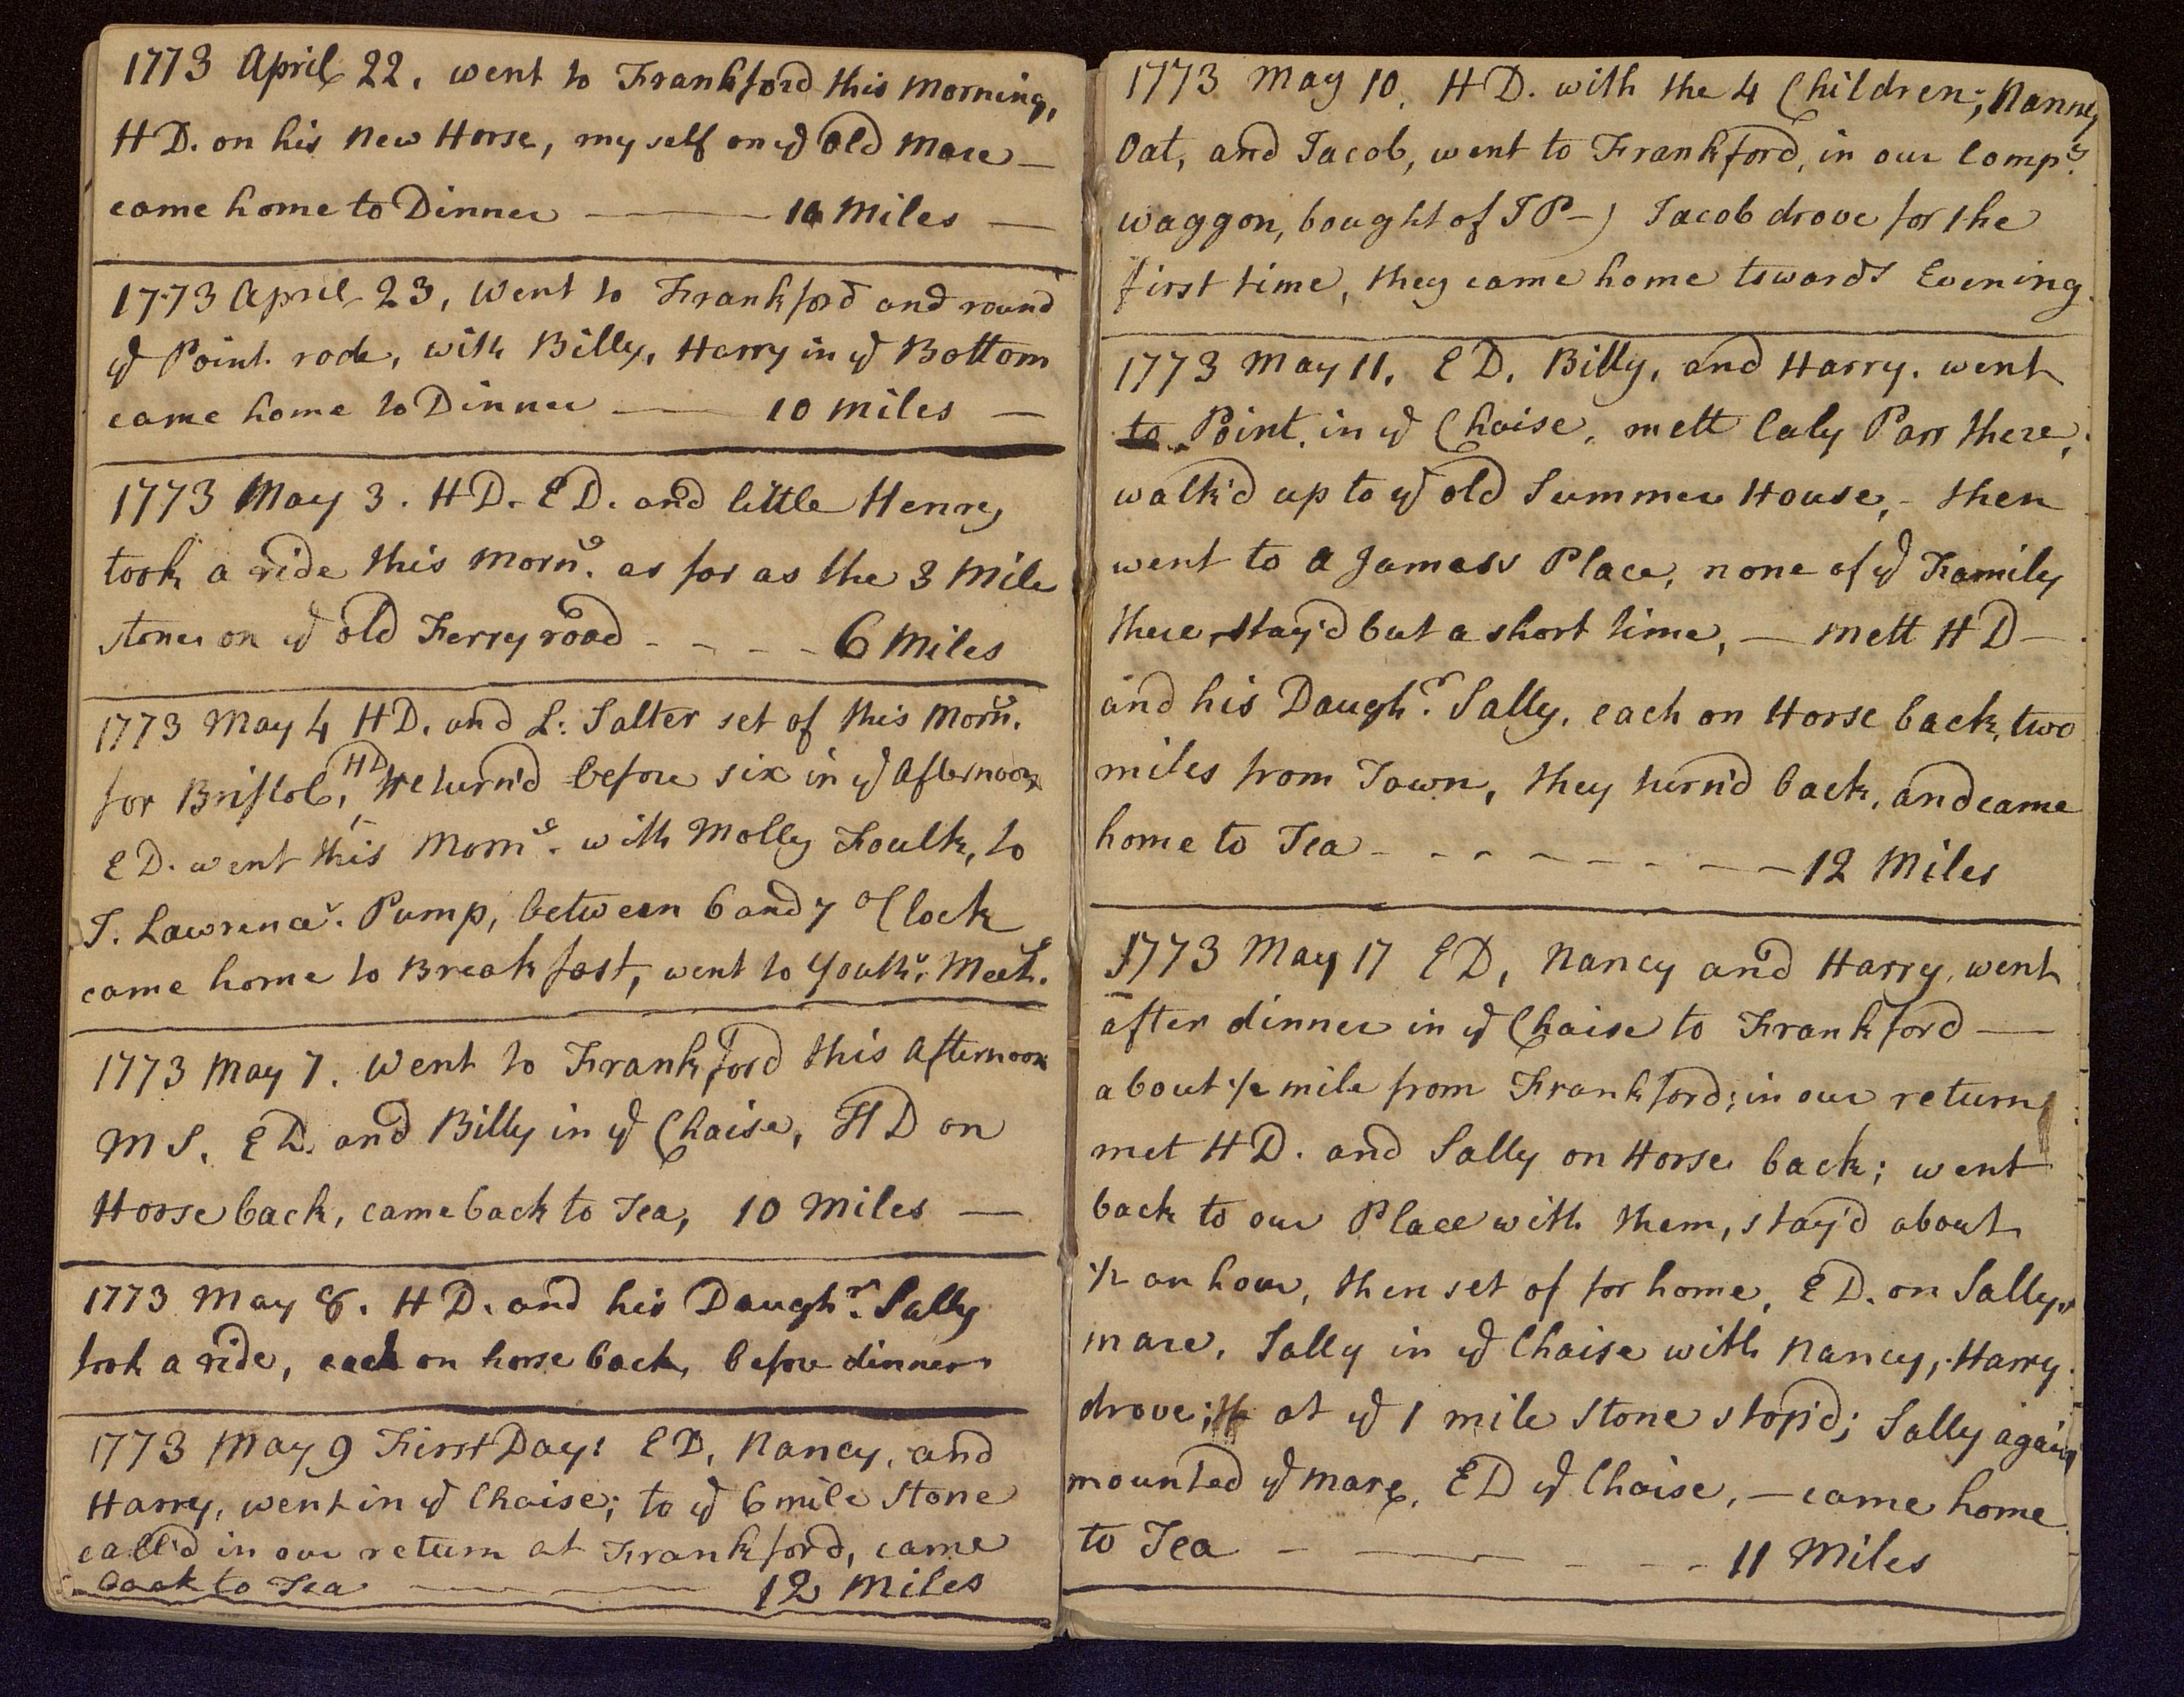1773 April 22. went to Frankford this morning,
HD. on his New Horse, my self on y^e Old Mare-
came home to Dinner- 10 Miles-
1773 April 23, went to Frankford and round
y^e Point rode, with Billy, Henry in y^e Bottom
came home to Dinner- 10 Miles-
1773 May 3. HD. ED. and little Henry,
took a ride this morn^g. as for as the 3 Mile
stone on y^e old Ferry road---- 6 Miles
1773 May 4 HD, and L: Salter set of this morn^g.
HD
for Bristol, ^ return'd before six in y^e Afternoon
ED. went this Morn^g. with Molly Foulk, to
S. Lawrence^s. Pump, between 6 and 7 oClock
came home to Breakfast, went to Youth^s Meet^g.
1773 May 7. Went to Frankford this Afternoon
MS, ED. and Billy in y^e Chaise, HD on
Horse back, came back to Tea, 10 miles-
1773 May 8. HD. and his Daugh^r. Sally
took a ride, each on horse back & before dinner
1773 May 9 First Day: ED. Nancy, and
Harry, went in y^e Chaise; to y^e 6 mile stone
call'd in our return at Frankford, came
back to Tea
12 Miles
1773 May 10. HD. with the 4 Children; Nanny
Oat, and Jacob, went to Frankford in our Comp^y.
waggon, bought of SP-) Jacob drove for the
first time they came home towards Evening
1778 May 11, ED. Billy, and Harry. went
to Point in y^e Chaise, mett Caly Parr there,
walk'd up to y^e old Summer House,- then
went to A James Place, none of y^e Family
there stay'd but a short time,- mett HD-
and his Daugh^r. Sally, each on Horse back, two
miles from Town, they turn'd back, and came
home to Tea-
12 Miles
1773 May 17 ED, Nancy and Harry went
after dinner in y^e Chaise to Frankford-
a bout 1/2 mile from Frankford, in our return
met HD. and Sally on Horse back; went
back to our Place with them, stay'd about
1/2 on hour, then set of for home. ED. on Sallys
mare. Sally in y^e Chaise with Nancy, Harry
drove at y^e 1 mile stone stop'd; Sally again
mounted y^e mare, ED y^e Chaise,- came home
to Tea -
-11 Miles